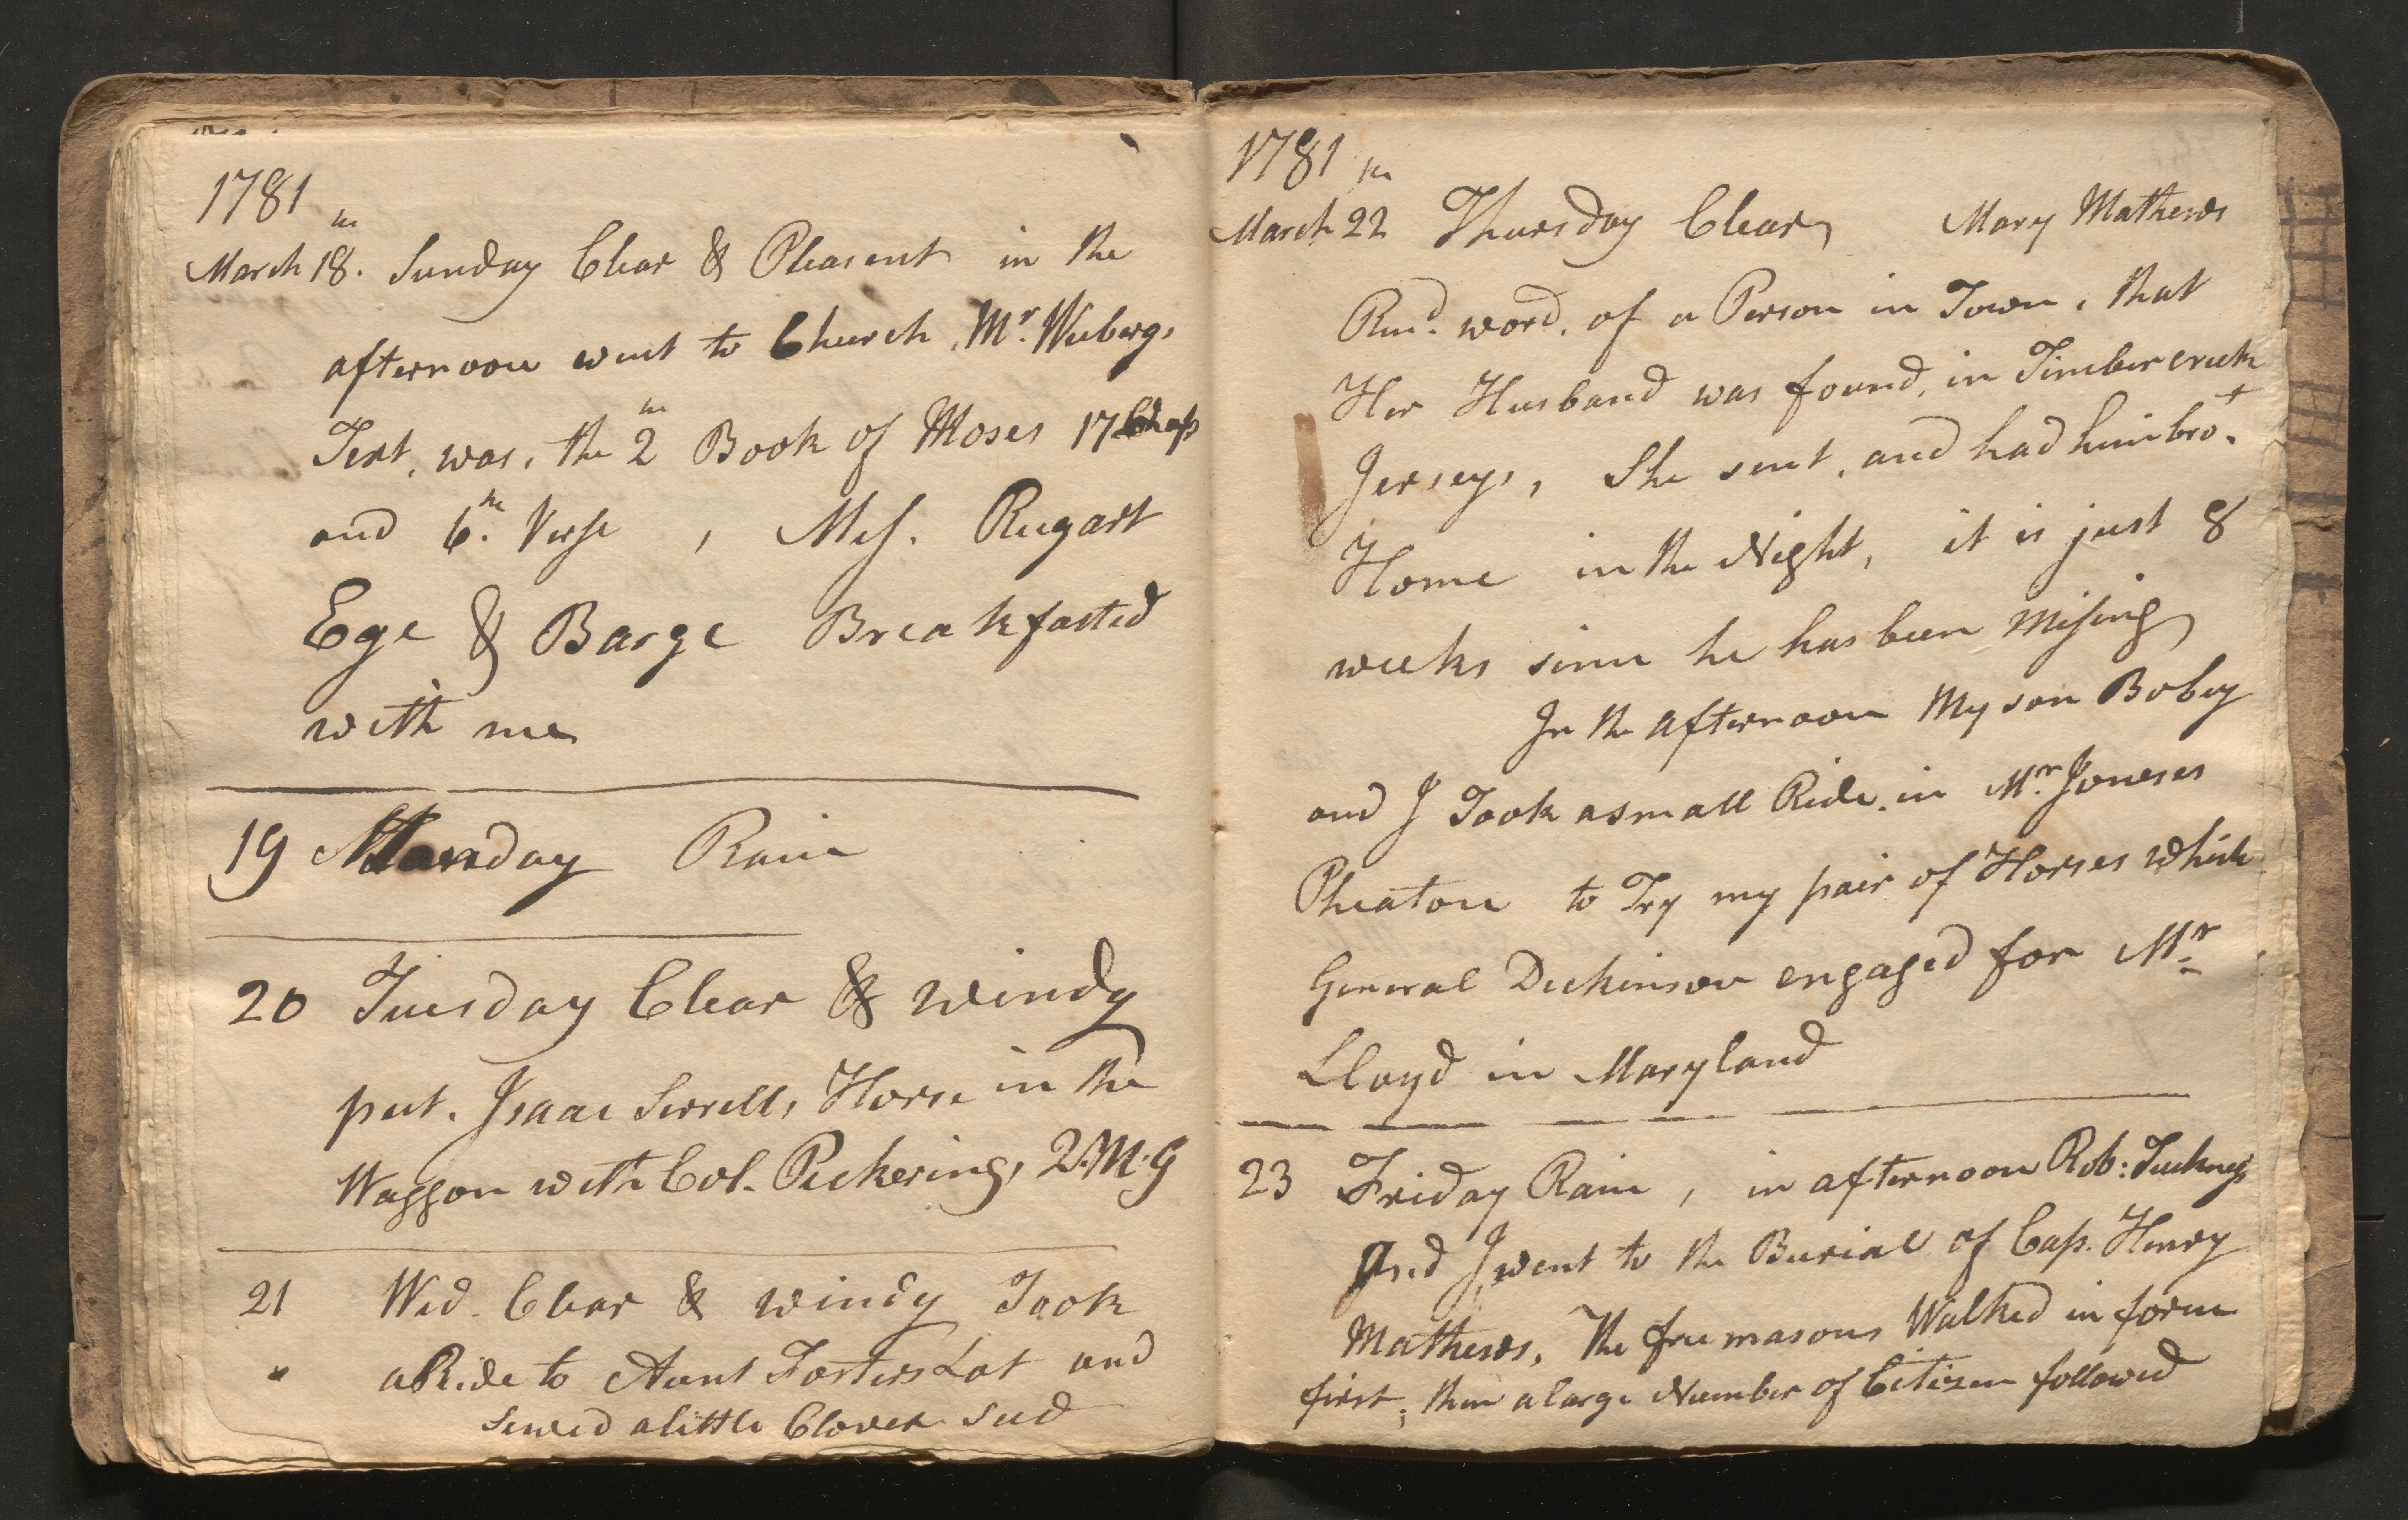1781
March 18^th. Sunday Clear & Pleasent in the
afternoon went to Church, M^r. Weibergs
Text. was, the 2^th Book of Moses 17 Chap
and 6^th. Verse, Mes. Reigart
Ege & Barge Breakfasted
with me
19 Monday Rain
20 Tuesday Clear & windy
put. Isaac Sorrells Horse in the
Waggon with Col. Pickerings Q.M.G
21 Wed. Clear & windy Took
a Ride to Aunt Fosters Lot and
sewed a little Clover seed
March 22 Thursday Clear Mary Mathews
1781
Rec^d. word. of a Person in Town, that
Her Husband was found, in Timber creek
Jerseys, She sent, and had him bro^t.
Home, in the Night, it is just 8
weeks since he has been Mising
In the afternoon My son Bobey
and I Took a small Ride in M^r. Joneses
Pheaton to Try my pair of Horses which
General Dickinson engaged for M^r.
Lloyd in Maryland
23 Friday Rain, in afternoon Rob: Tuckness
And I went to the Burial of Cap. Henry
Mathews, the fremasons Walked in form
frst, than a large Number of Citizen followed